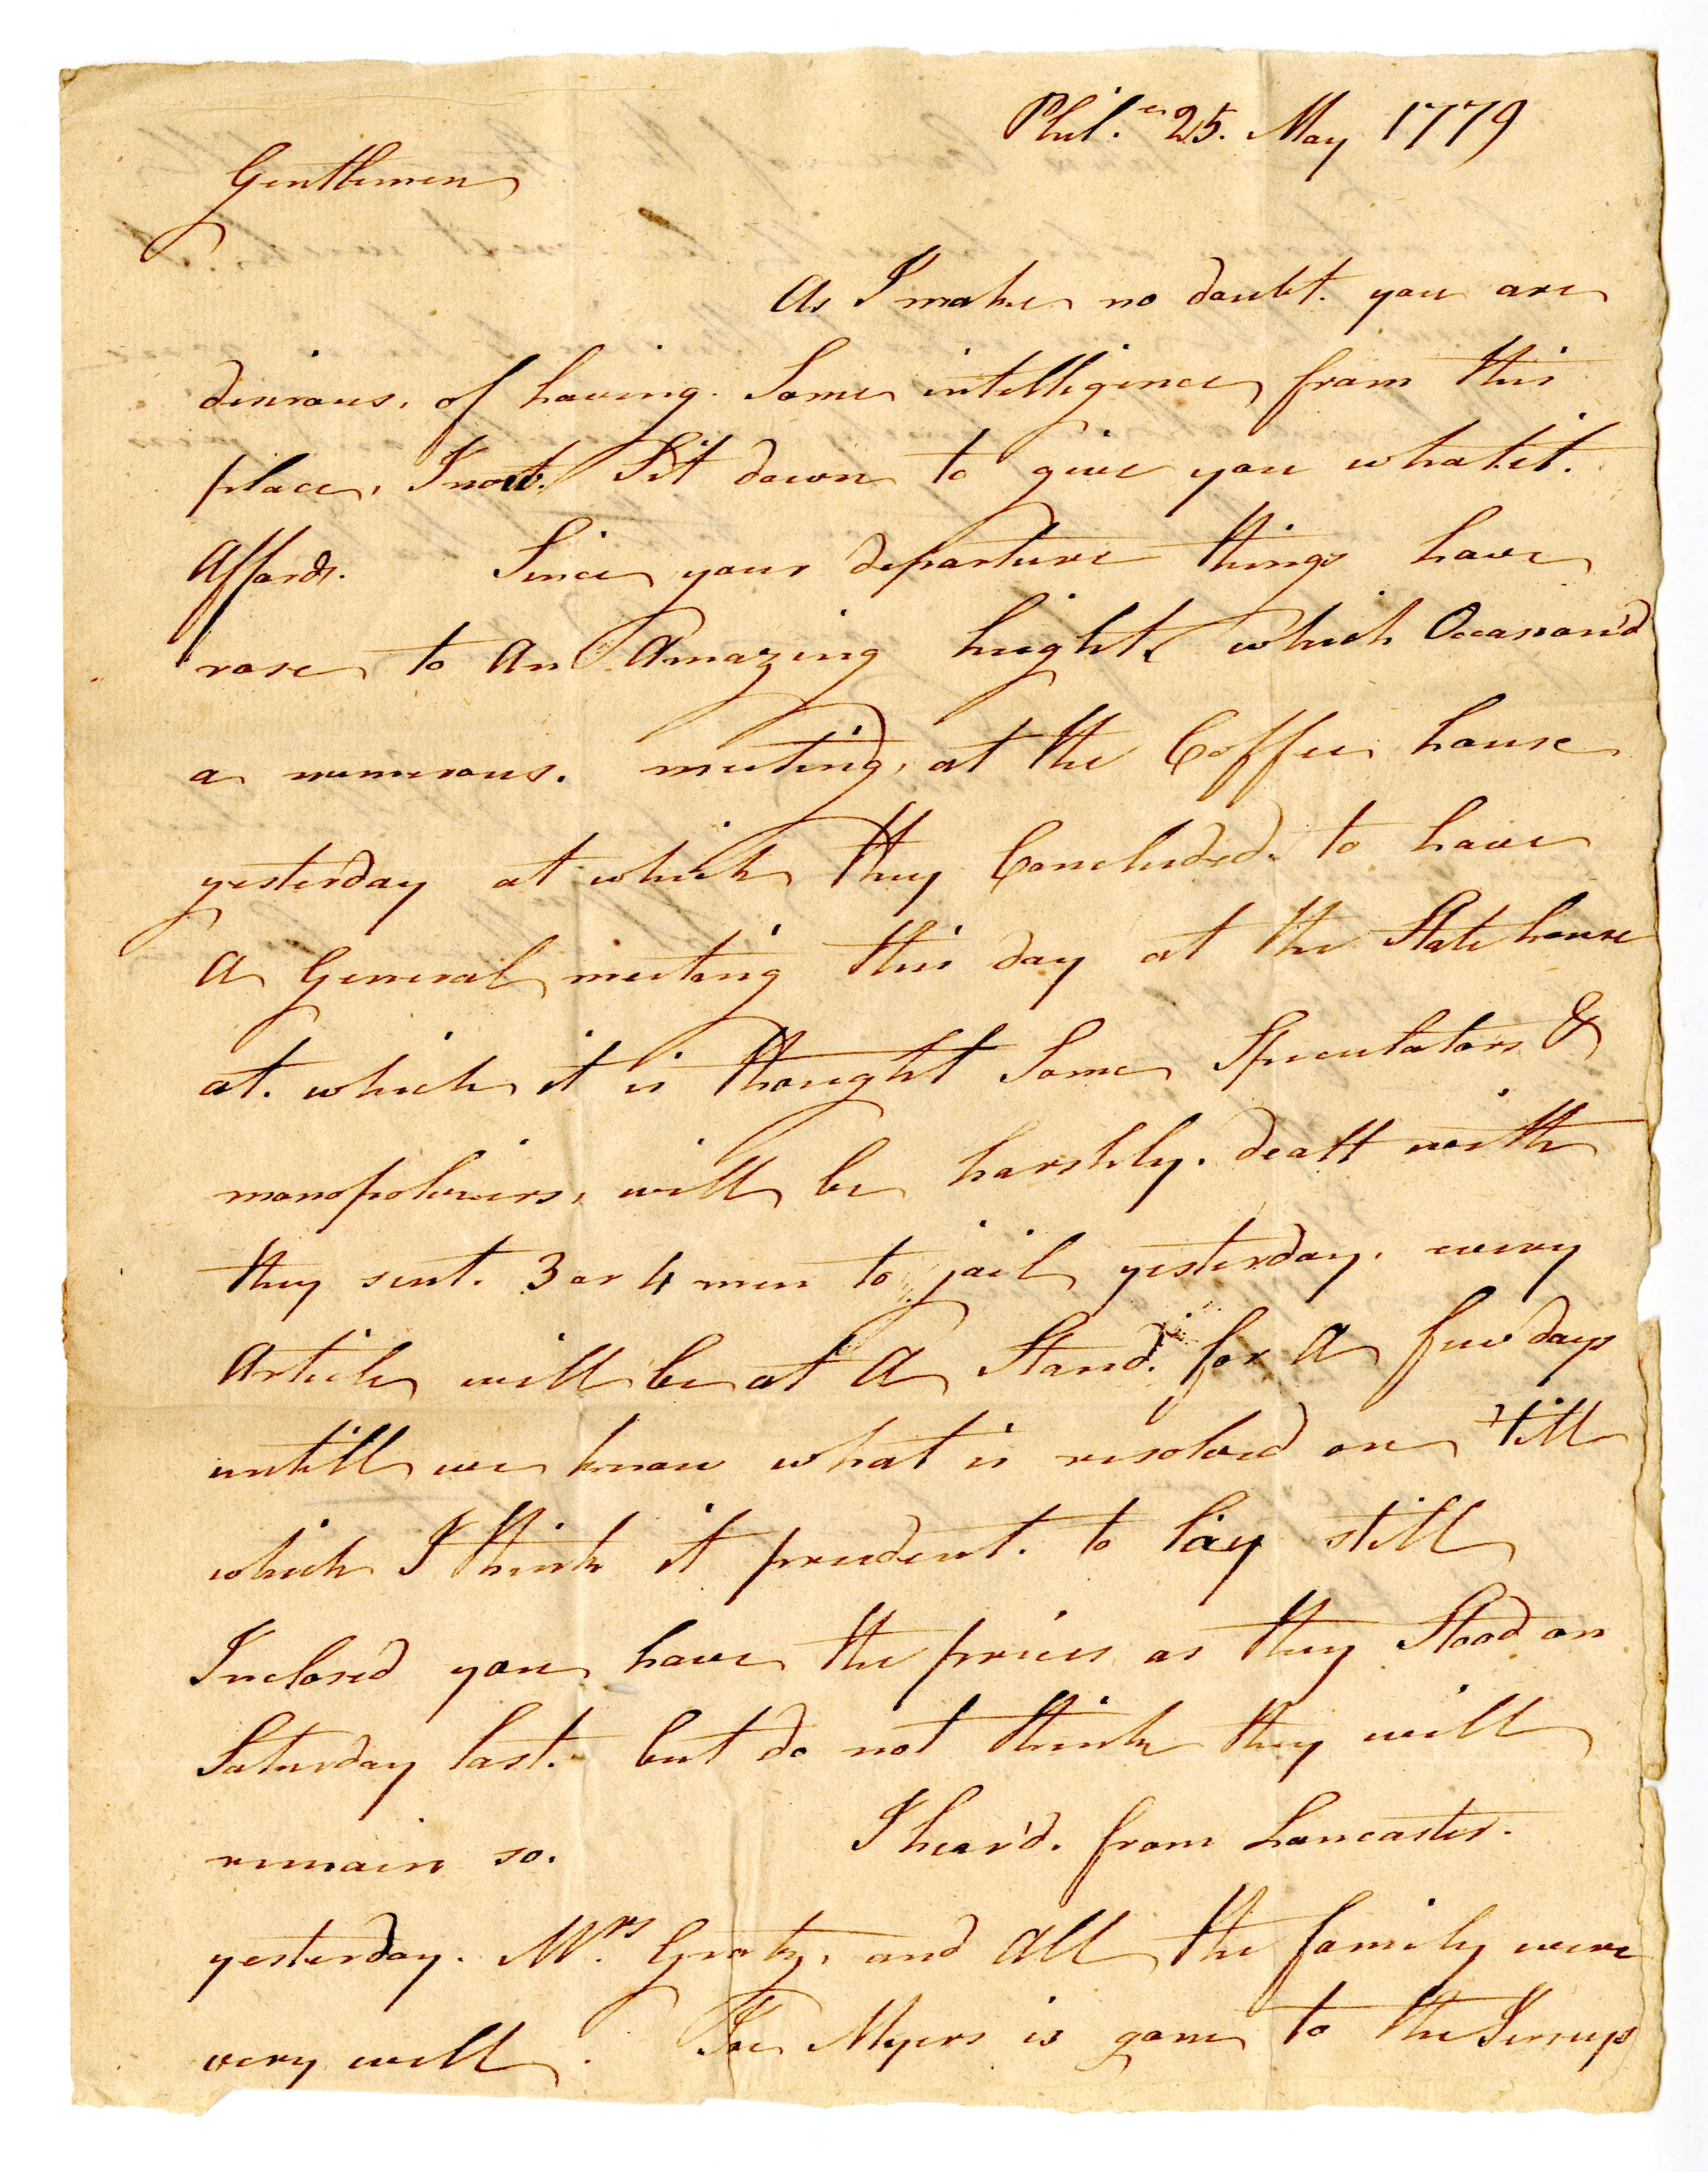Phil^a. 25. May 1779
Gentlemen
As I make no doubt. you are
desirous, of having Some intelligence from this
place, I now Sit down to give you what it
Affords.
Since your departure things have
rose to an Amazing hight which Occasian'd
a numerous meeting at the Coffee house
yesterday at which they concluded to have
a General meeting this day at the State house
at which it is Thought Same Speculators &
manopoliouers, will be harshly. dealt with
they sent 3 or 4 men to jail yesterday. every
Article will be at A Stand for A few days
untill we know what is resolved on 'till
which I think it prudent to lay still
Inclosed you have the prices as they Stood on
Saturday last but do not think they will
remain so.
I hear'd from Lancaster.
yesterday. M^rs. Gratz. and All the family were
very well. Jac Myers is gone to the Surys